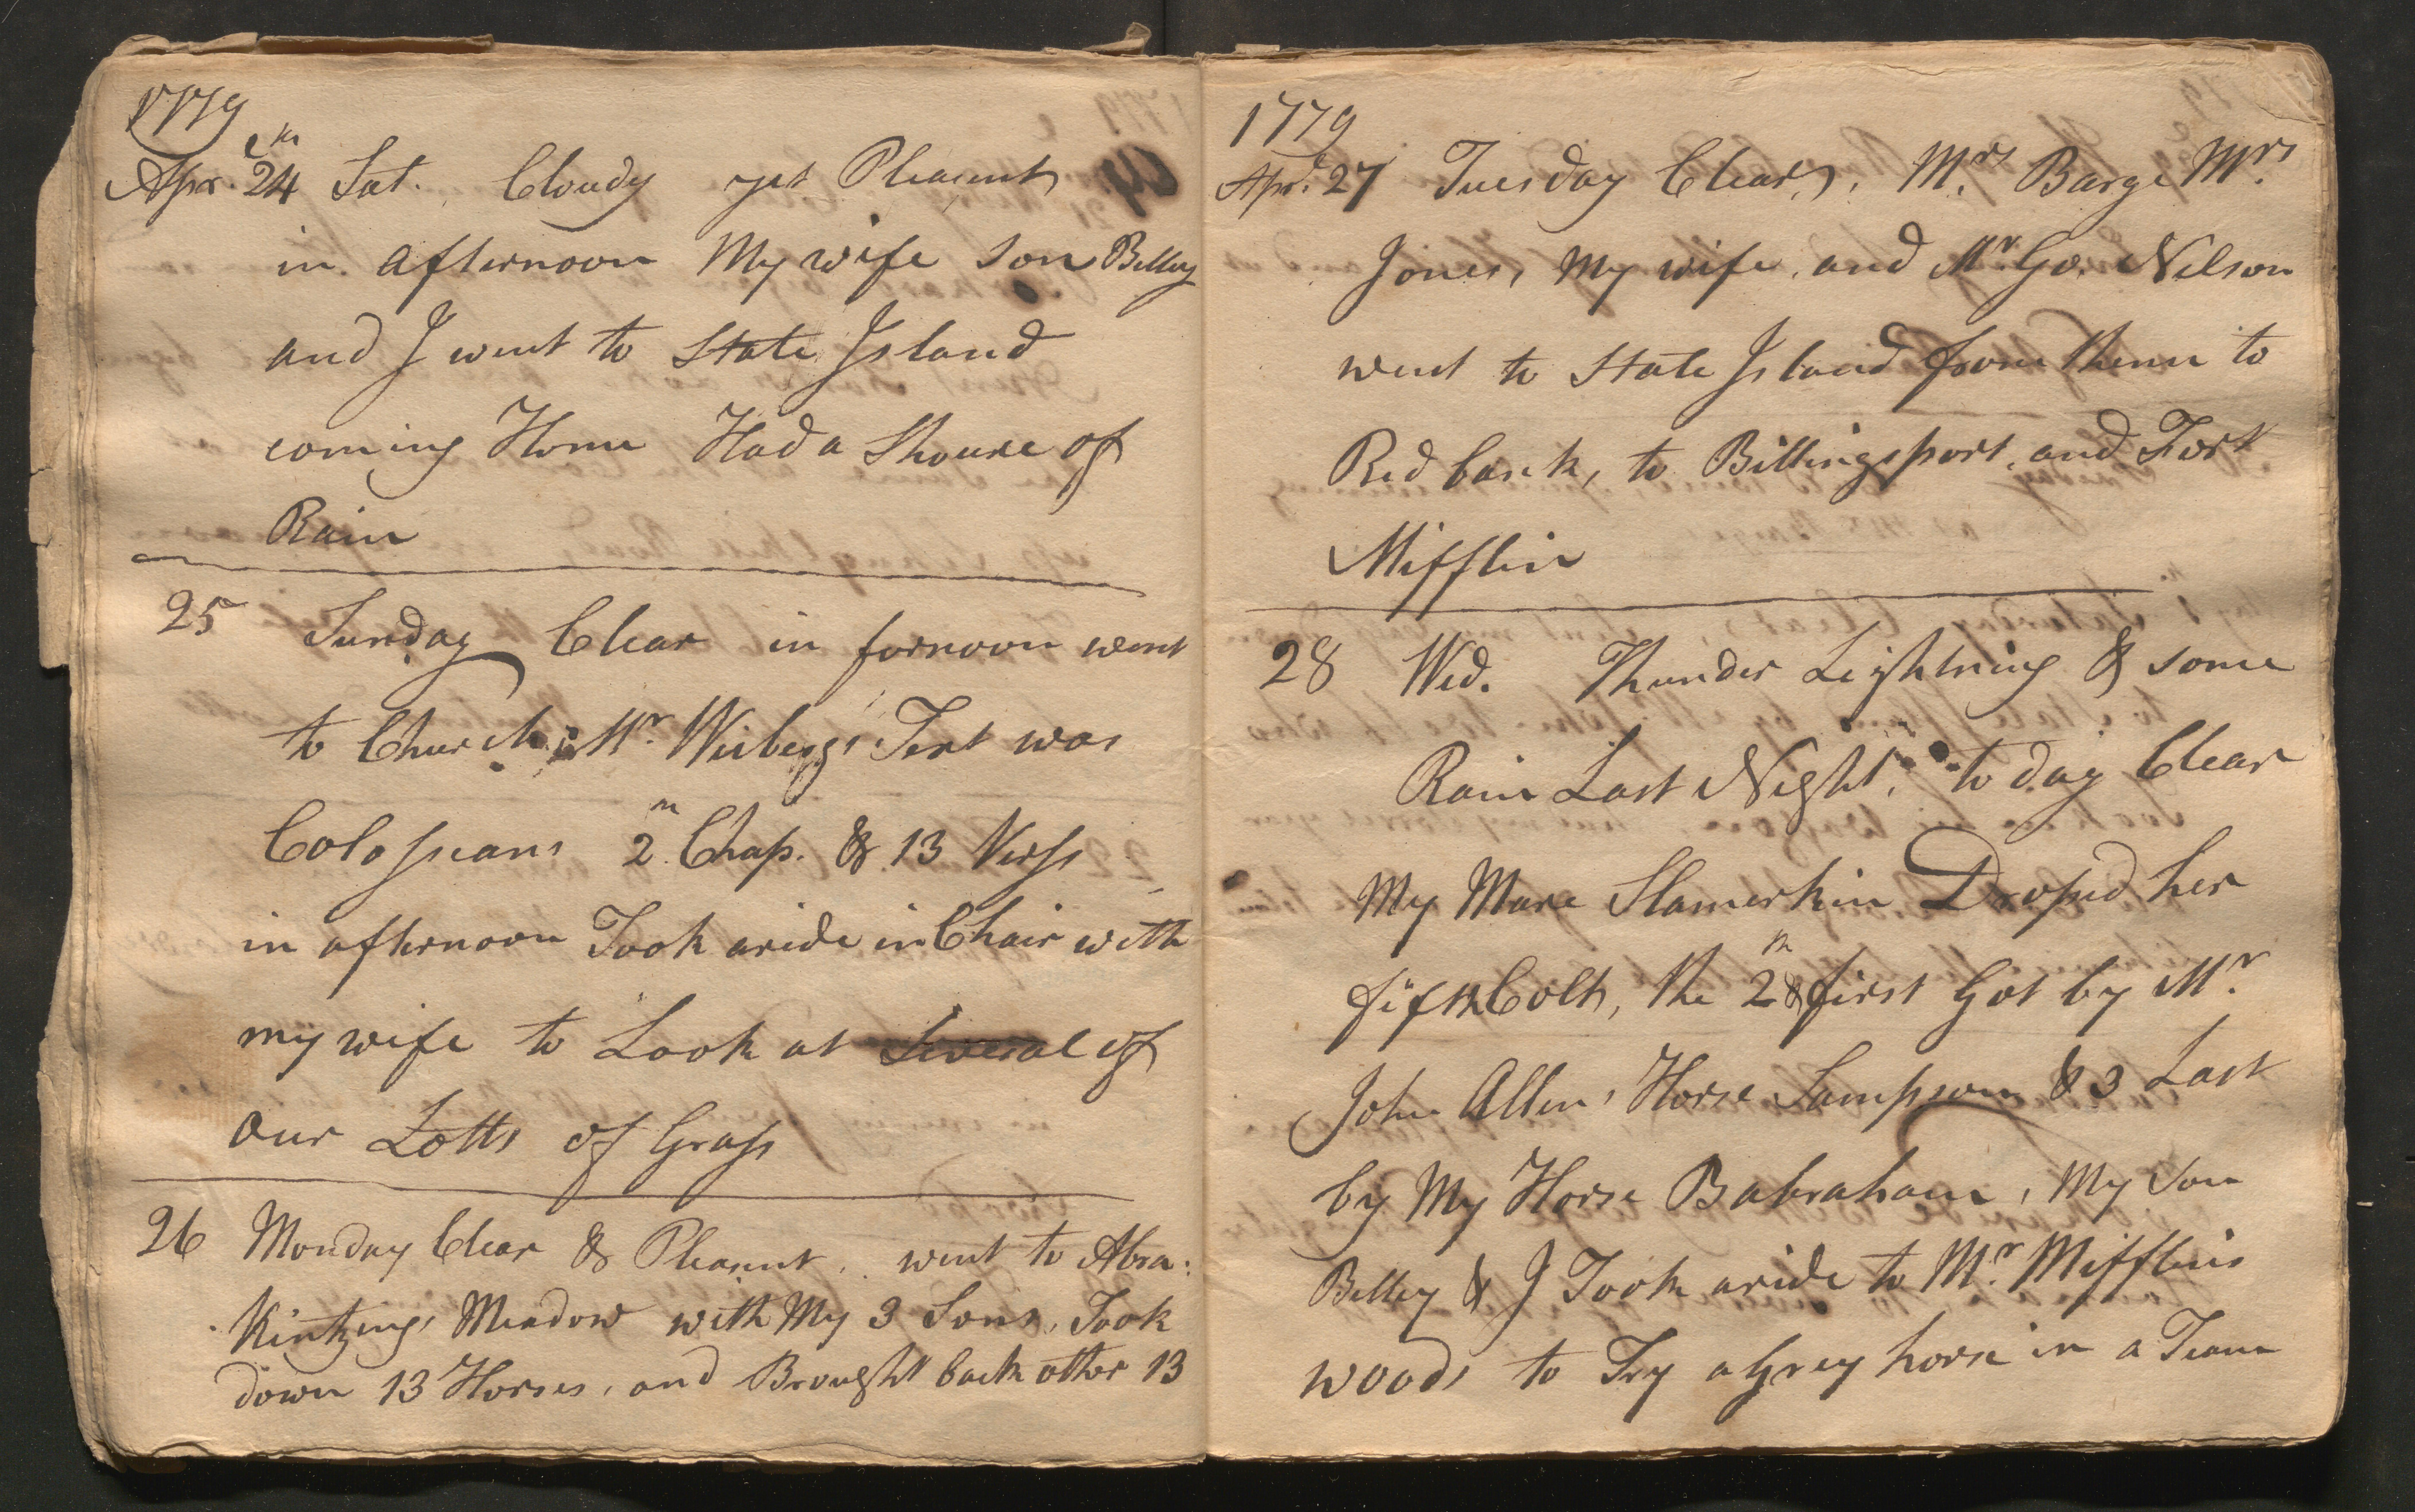1779
Apr^l. 24^th Sat. Cloudy yet Pleasent
in Afternoon My wife Son Billey
and I went to State Island
coming Home Had a Shoure of
Rain
25 Sunday- Clear in fornoon went
to Church M^r Wubergs Text was
Colossians 2^th. Chap. & 13 Verss
in afternoon Took a ride in Chair with
my wife to Look at Several of
our Lotts of Grass
26 Monday Clear & Pleasent, went to Abra-
Kintzings Meadow with My 3 sons, Took
down 13 Horses, and Brought back other 13
1779
Apr^l. 27 Tuesday Clear. M^rs. Barg M^r.
Jones, my wife, and M^r. Ge. Nelson
went to State Island from thence to
Redbank, to Billingsport, and Fort
Mifflin
28 Wed. Thunder Lightnning & some
Raur Last Night. to day Clear
My Mare Slamerkin Droped her
fifth Colt, the 2^th & first Got by M^r.
Johe Allens Horse Sampson & 3 Last
by My Horse Babraham, My Son
Billey & I Took a ride to M^r. Mifflins
woods to Try a Grey horse in a Team